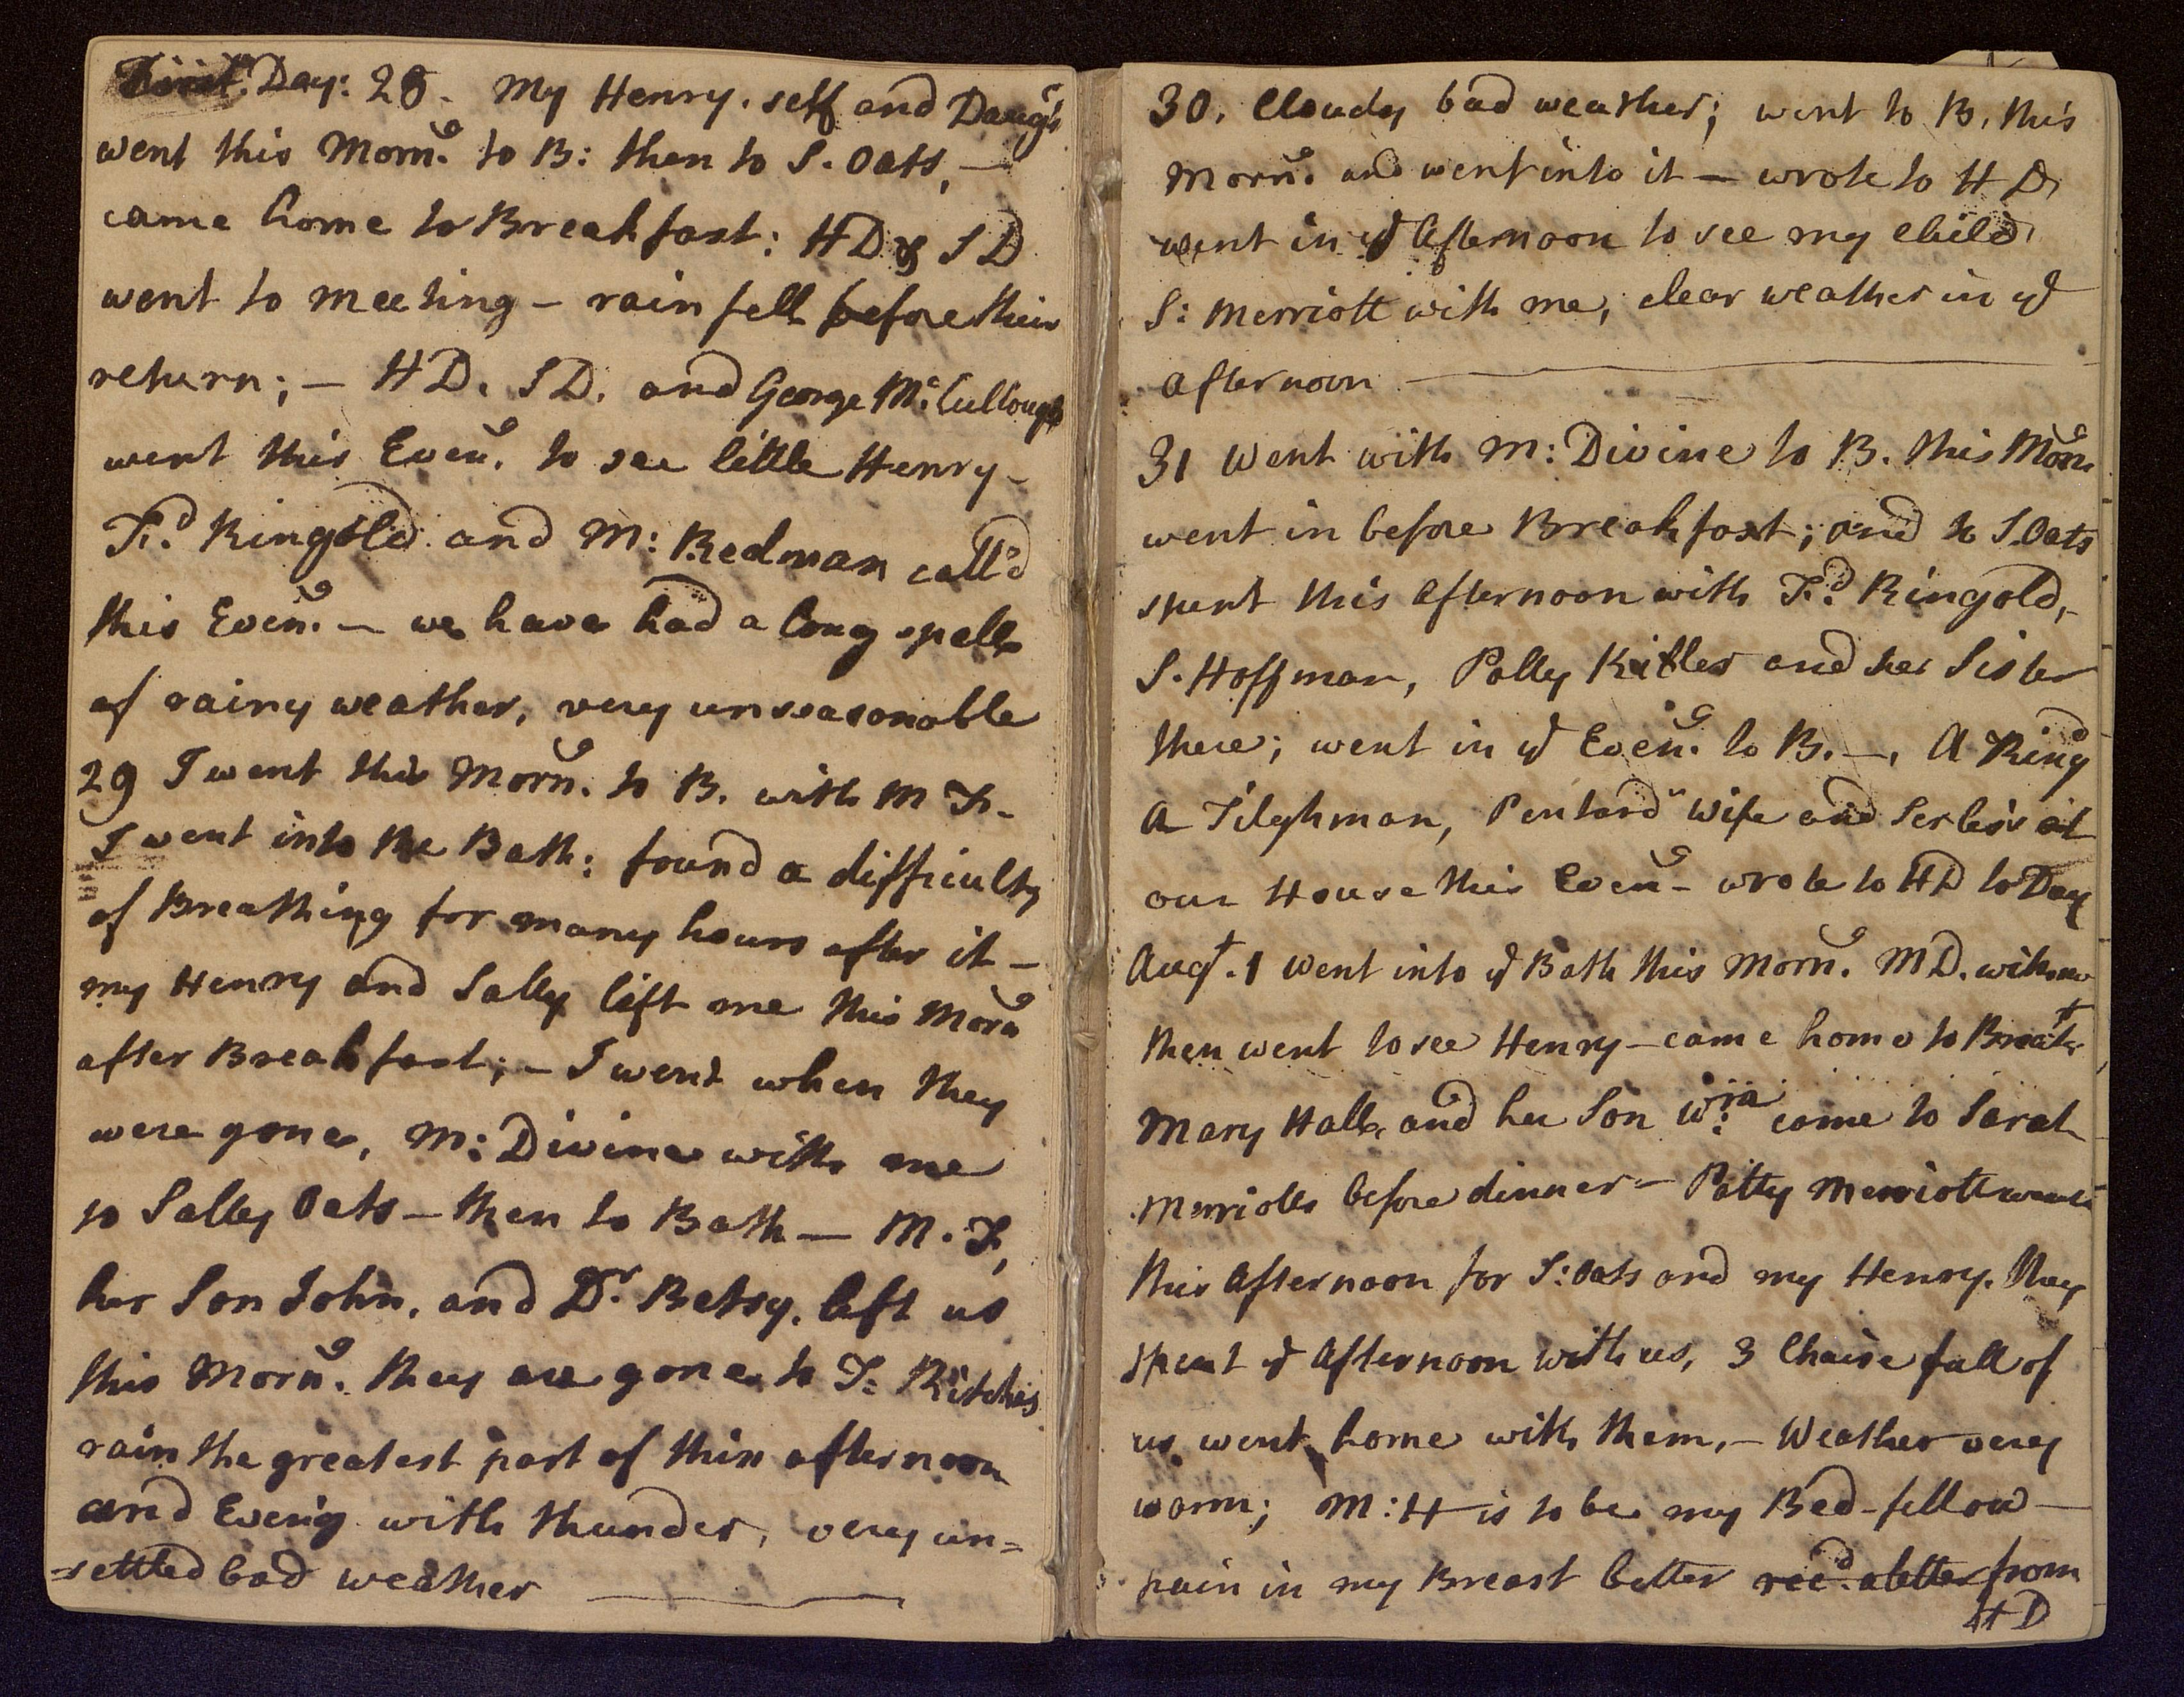First Day: 28. my Henry. self and Daugh^r
went this Morn^g. to B: then to S. 0ats, -
came home to Breakfast: HD & SD
went to meeting- rain fell before their
return - HD. SD. and George M^c Cullough
went this Even^g. to see little Henry-
Fr^d. Ringold: and M: Redman call'd
this Even^g.- we have had a long spell
of rainy weather, very unseasonable
29 I went thee morn^g. to B. with MF-
I went into the Bath: found a difficulty
of Breathing for many hours after it-
my Henry and Sally left me this Morn^g
after Breakfast;- I went when they
were gone, M: Divine with me
to Sally Oats- then to Bath- M. F,
her Son John, and D^r. Betsy. left us
this Morn^g. they are gone to T: Ritches
rain the greatest part of thin afternoon
and Even'g with thunder, very un-
-settled bad weather
30. cloudy bad weather; went to B. this
Morn^g. and went into it- wrote to HD
went in y^e Afternoon to see my child
S: Merriott with me, clear weather in y^e
afternoon-
31 went with M: Divine to B. this Morn^g.
went in before Breakfast; and to S. Oats
spent this afternoon with F^d. Ringold,-
S. Hoffman, Polly Kitler and her Sister
there; went in y^e Even^g. to B.-, A Ring^d
A Tilghman, Pentard^s wife and Serles's at
our House this Even^g- wrote to HD to Day
Aug^t. 1 went into y^e Bath this Morn^g. MD. wih me
then went to see Henry- came home to Break^t.
Mary Hall, and her son W^m: come to Sarah
Merriotts before dinner- Patty Merriott wrote
this Afternoon for S: Oats and my Henry. they
spent y^e afternoon with us, 3 Chaise full of
us went home with them,- Weather very
warm; M:H is to be my Bed- fellow-
pain in my Breast better rec^d. a letter from
HD